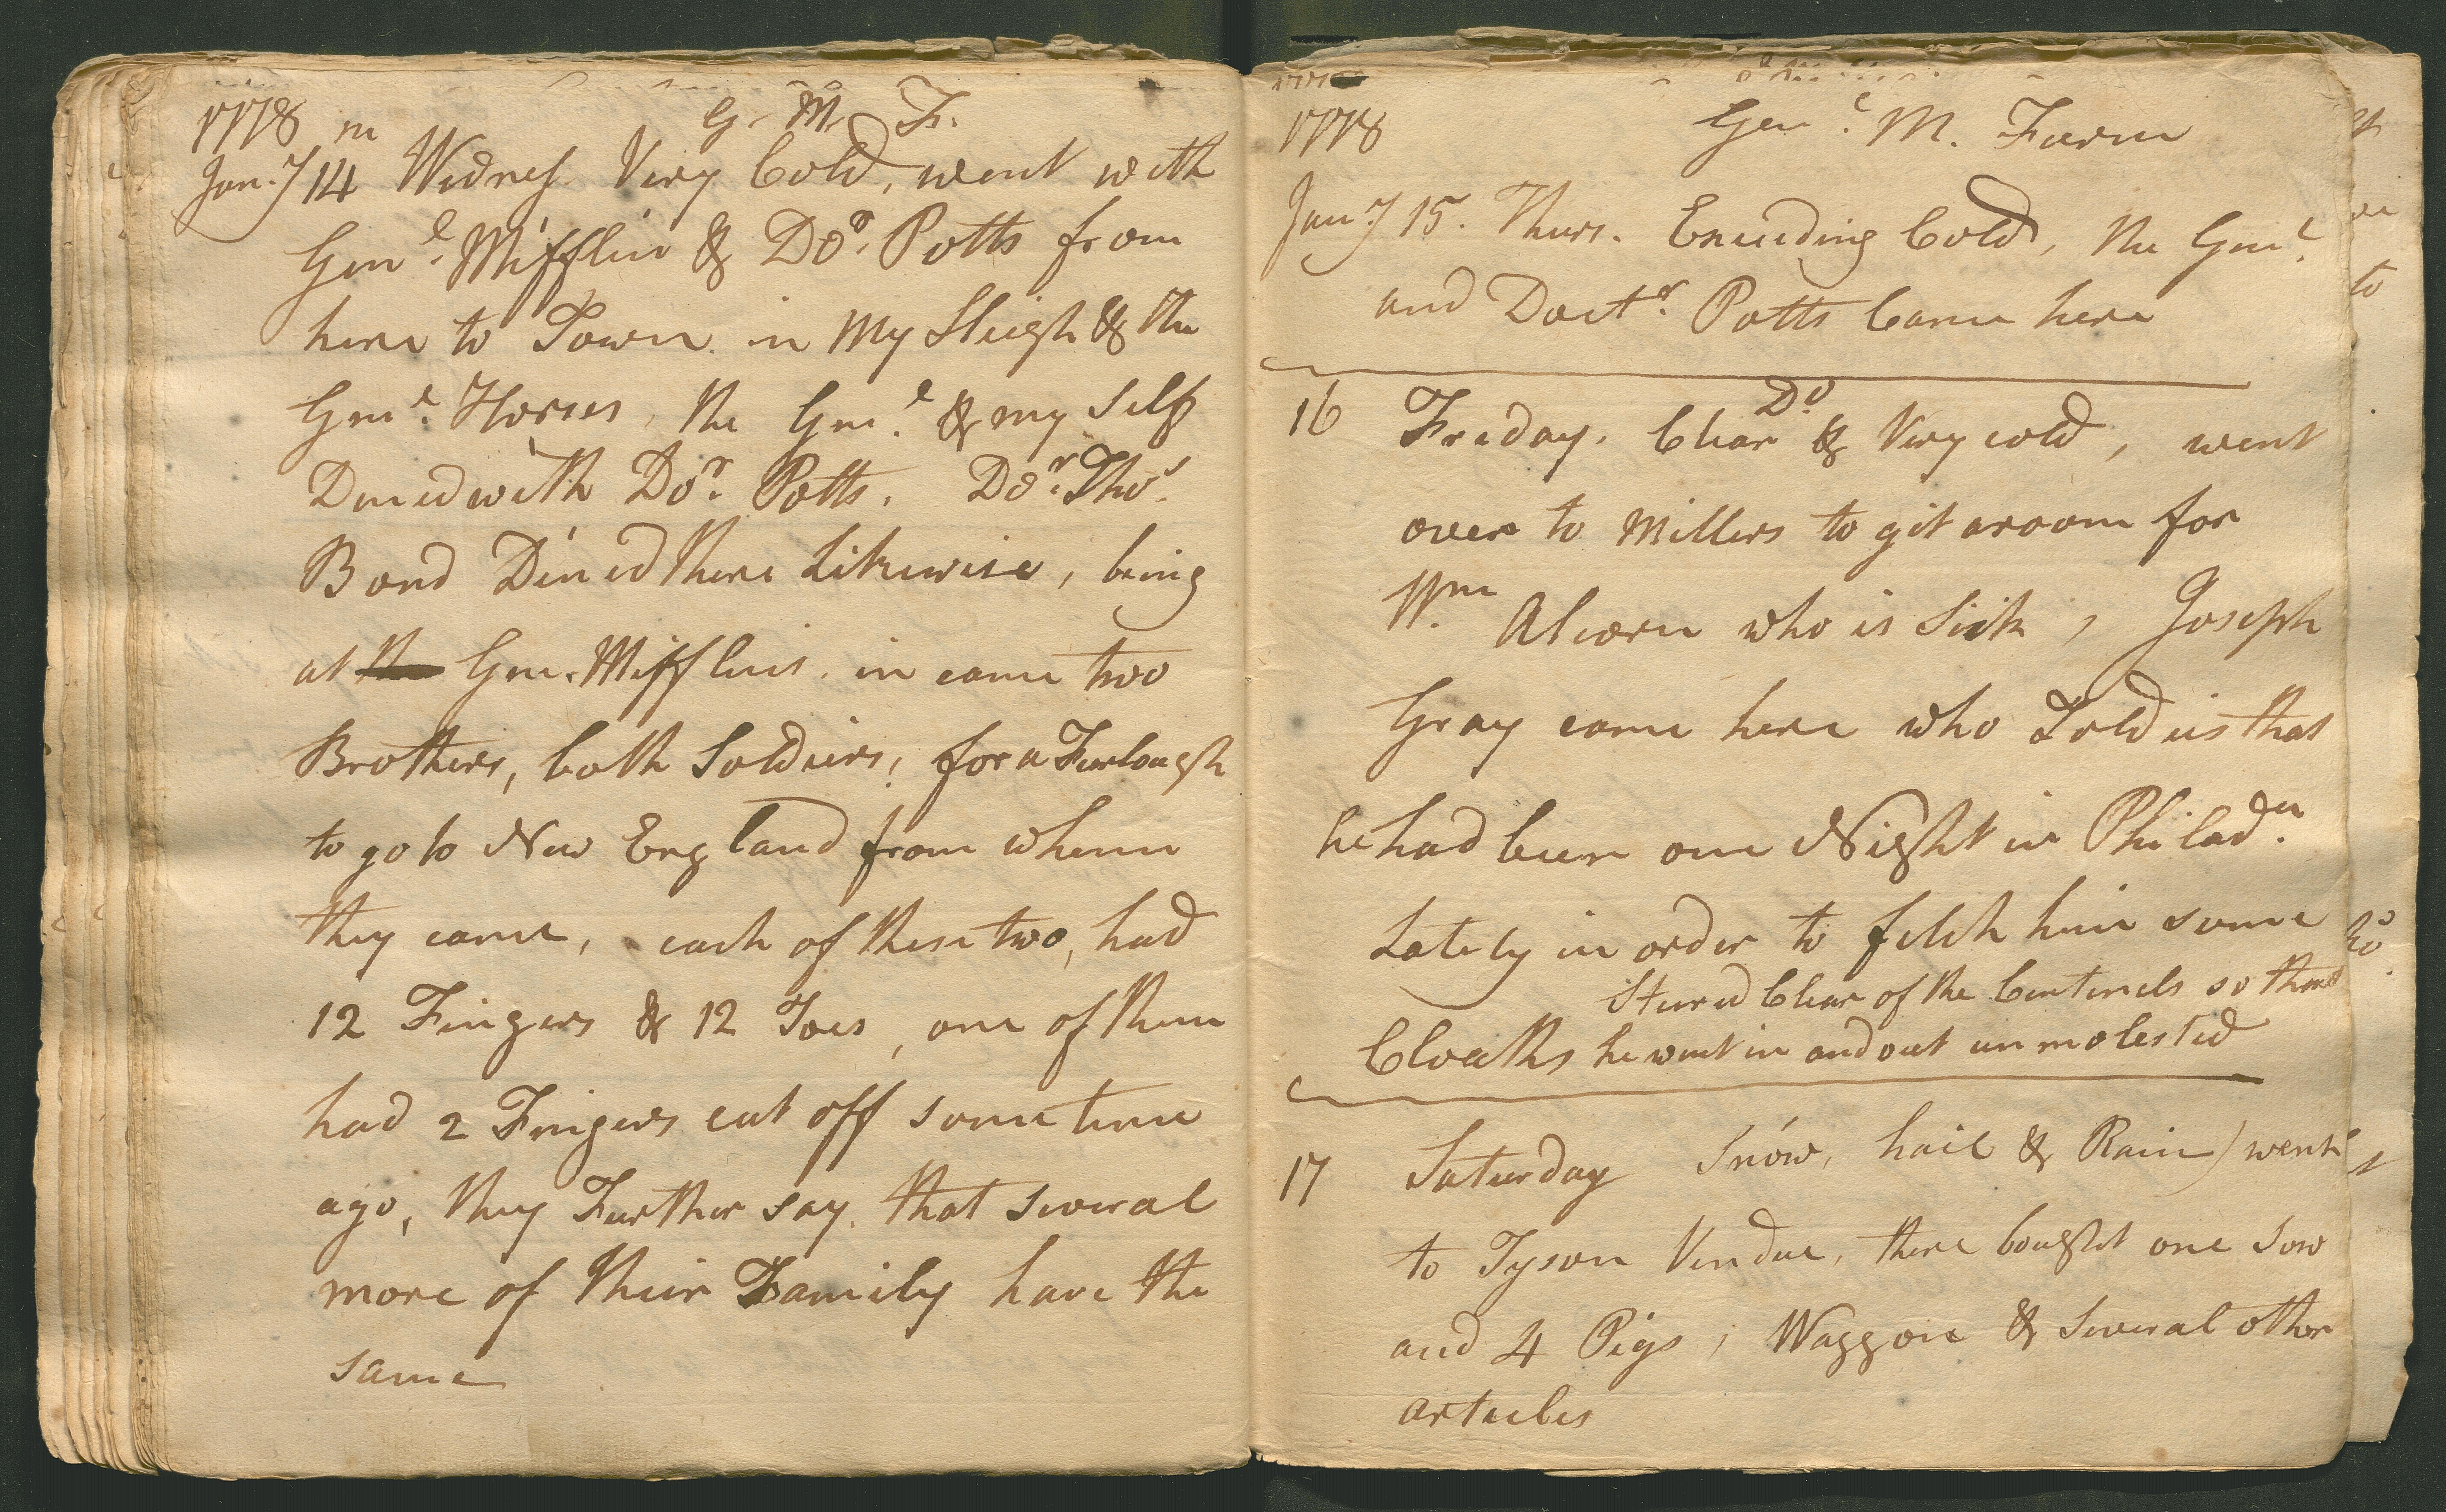1778
G.M. F.
Jan^y 14^th Wednes Very Cold, went with
Gen^l Mifflin & Do^r. Potts from
here to Town in My Sleigh & the
Gen^l. Horses, the Gen^l. & my self
Dined with Do^r. Potts. Do^r. Tho^s.
Bond Dined there Likewise, being
at [the] Gen. Mifflins, in came two
Brothers, both Soldiers, for a Furlough
to go to New England from whence
they came, each of these two, had
12 Fingers & 12 Toes, one of them
had 2 Fingers cut off some time
ago, they Further say that several
more of Ther Family have the
Same
1778
Gen^l. M. Farm
Jan^y. 15. Thurs. Exceeding Cold, the Gen^l.
and Doct^r. Potts Came here
16 Friday. Clear & Very cold, went
over to Millers to get a room for
W^m. Alcorn who is Sick, Joseph
Gray came here who Told us that
he had been our Night in Philad^a.
Lately in order to fetch him some
Steered Clear of the Centinels so then
Cloaths he went in and out unmolested
17 Saturday Snow, hail & Rain) went
to Tyson Vendue, there bought one Sow
and 4 Pigs, Waggon & Several other
Articles